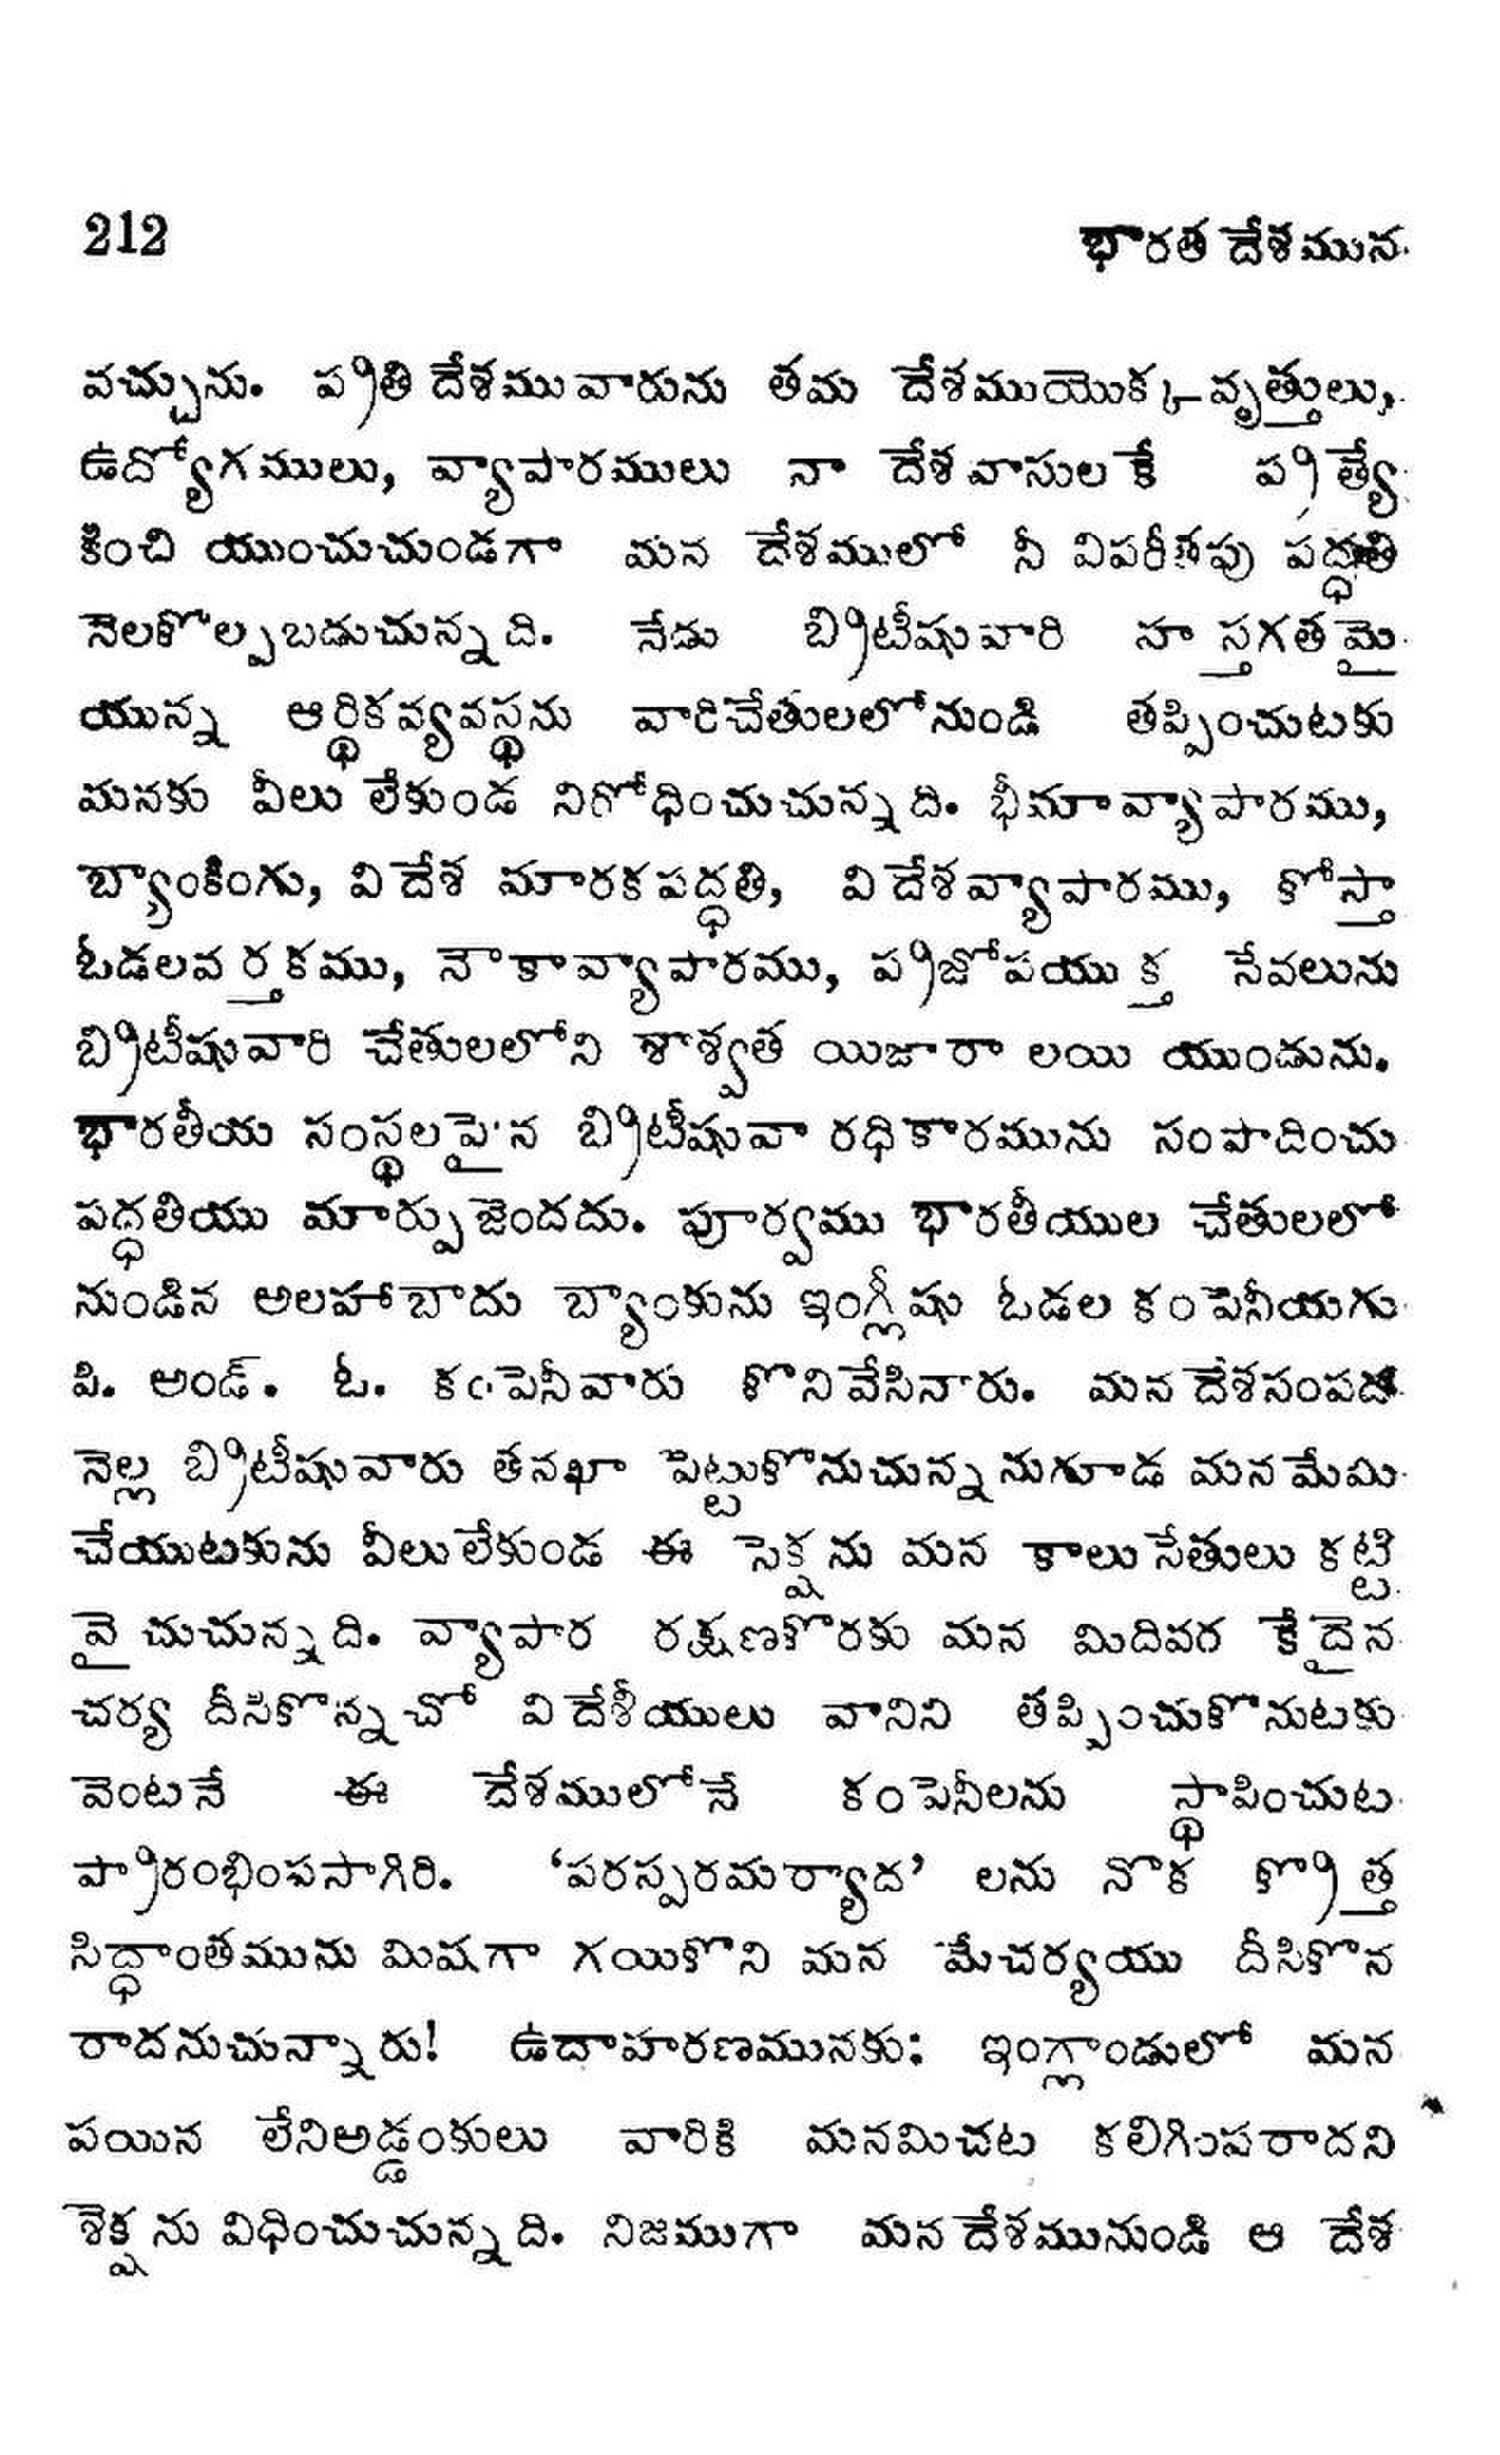వచ్చును. ప్రతిదేశమువారును తమ దేశముయొక్క వృత్తులు, ఉద్యోగములు, వ్యాపారములు నా దేశవాసులకే ప్రత్యేకించి యుంచుచుండగా మన దేశములో నీ విపరీతపు పద్ధతి నెలకొల్పబడుచున్నది. నేడు బ్రిటీషువారి హస్తగతమై యున్న ఆర్థికవ్యవస్థను వారిచేతులలోనుండి తప్పించుటకు మనకు వీలులేకుండ నిరోధించుచున్నది. భీమావ్యాపారము, బ్యాంకింగు, విదేశ మారకపద్ధతి, విదేశవ్యాపారము, కోస్తా ఓడలవర్తకము, నౌకావ్యాపారము, ప్రజోపయుక్త సేవలును బిటీషువారి చేతులలోని శాశ్వత యిజారా లయి యుండును. భారతీయ సంస్థలపైన బ్రిటీషువా రధికారమును సంపాదించు పద్దతియు మార్పుజెందదు. పూర్వము భారతీయుల చేతులలో నుండిన అలహాబాదు బ్యాంకును ఇంగ్లీషు ఓడల కంపెనీయగు పి. అండ్. ఓ. కంపెనీవారు కొనివేసినారు. మన దేశసంపదనెల్ల బ్రిటీషువారు తనఖా పెట్టుకొనుచున్ననుగూడ మనమేమిచేయుటకును వీలులేకుండ ఈ సెక్షను మన కాలుసేతులు కట్టివైచుచున్నది. వ్యాపార రక్షణకొరకు మన మిదివర కేదైన చర్య దీసికొన్నచో విదేశీయులు వానిని తప్పించుకొనుటకు వెంటనే ఈ దేశములోనే కంపెనీలను స్థాపించుట ప్రారంభింపసాగిరి. 'పరస్పరమర్యాద' లను నొక క్రొత్తసిద్ధాంతమును మిషగా గయికొని మన మేచర్యయు దీసికొనరాదనుచున్నారు. ఉదాహరణమునకు: ఇంగ్లాండులో మనపయిన లేనిఅడ్డంకులు వారికి మనమిచట కలిగింపరాదని శెక్షను విధించుచున్నది. నిజముగా మనదేశమునుండి ఆ దేశ